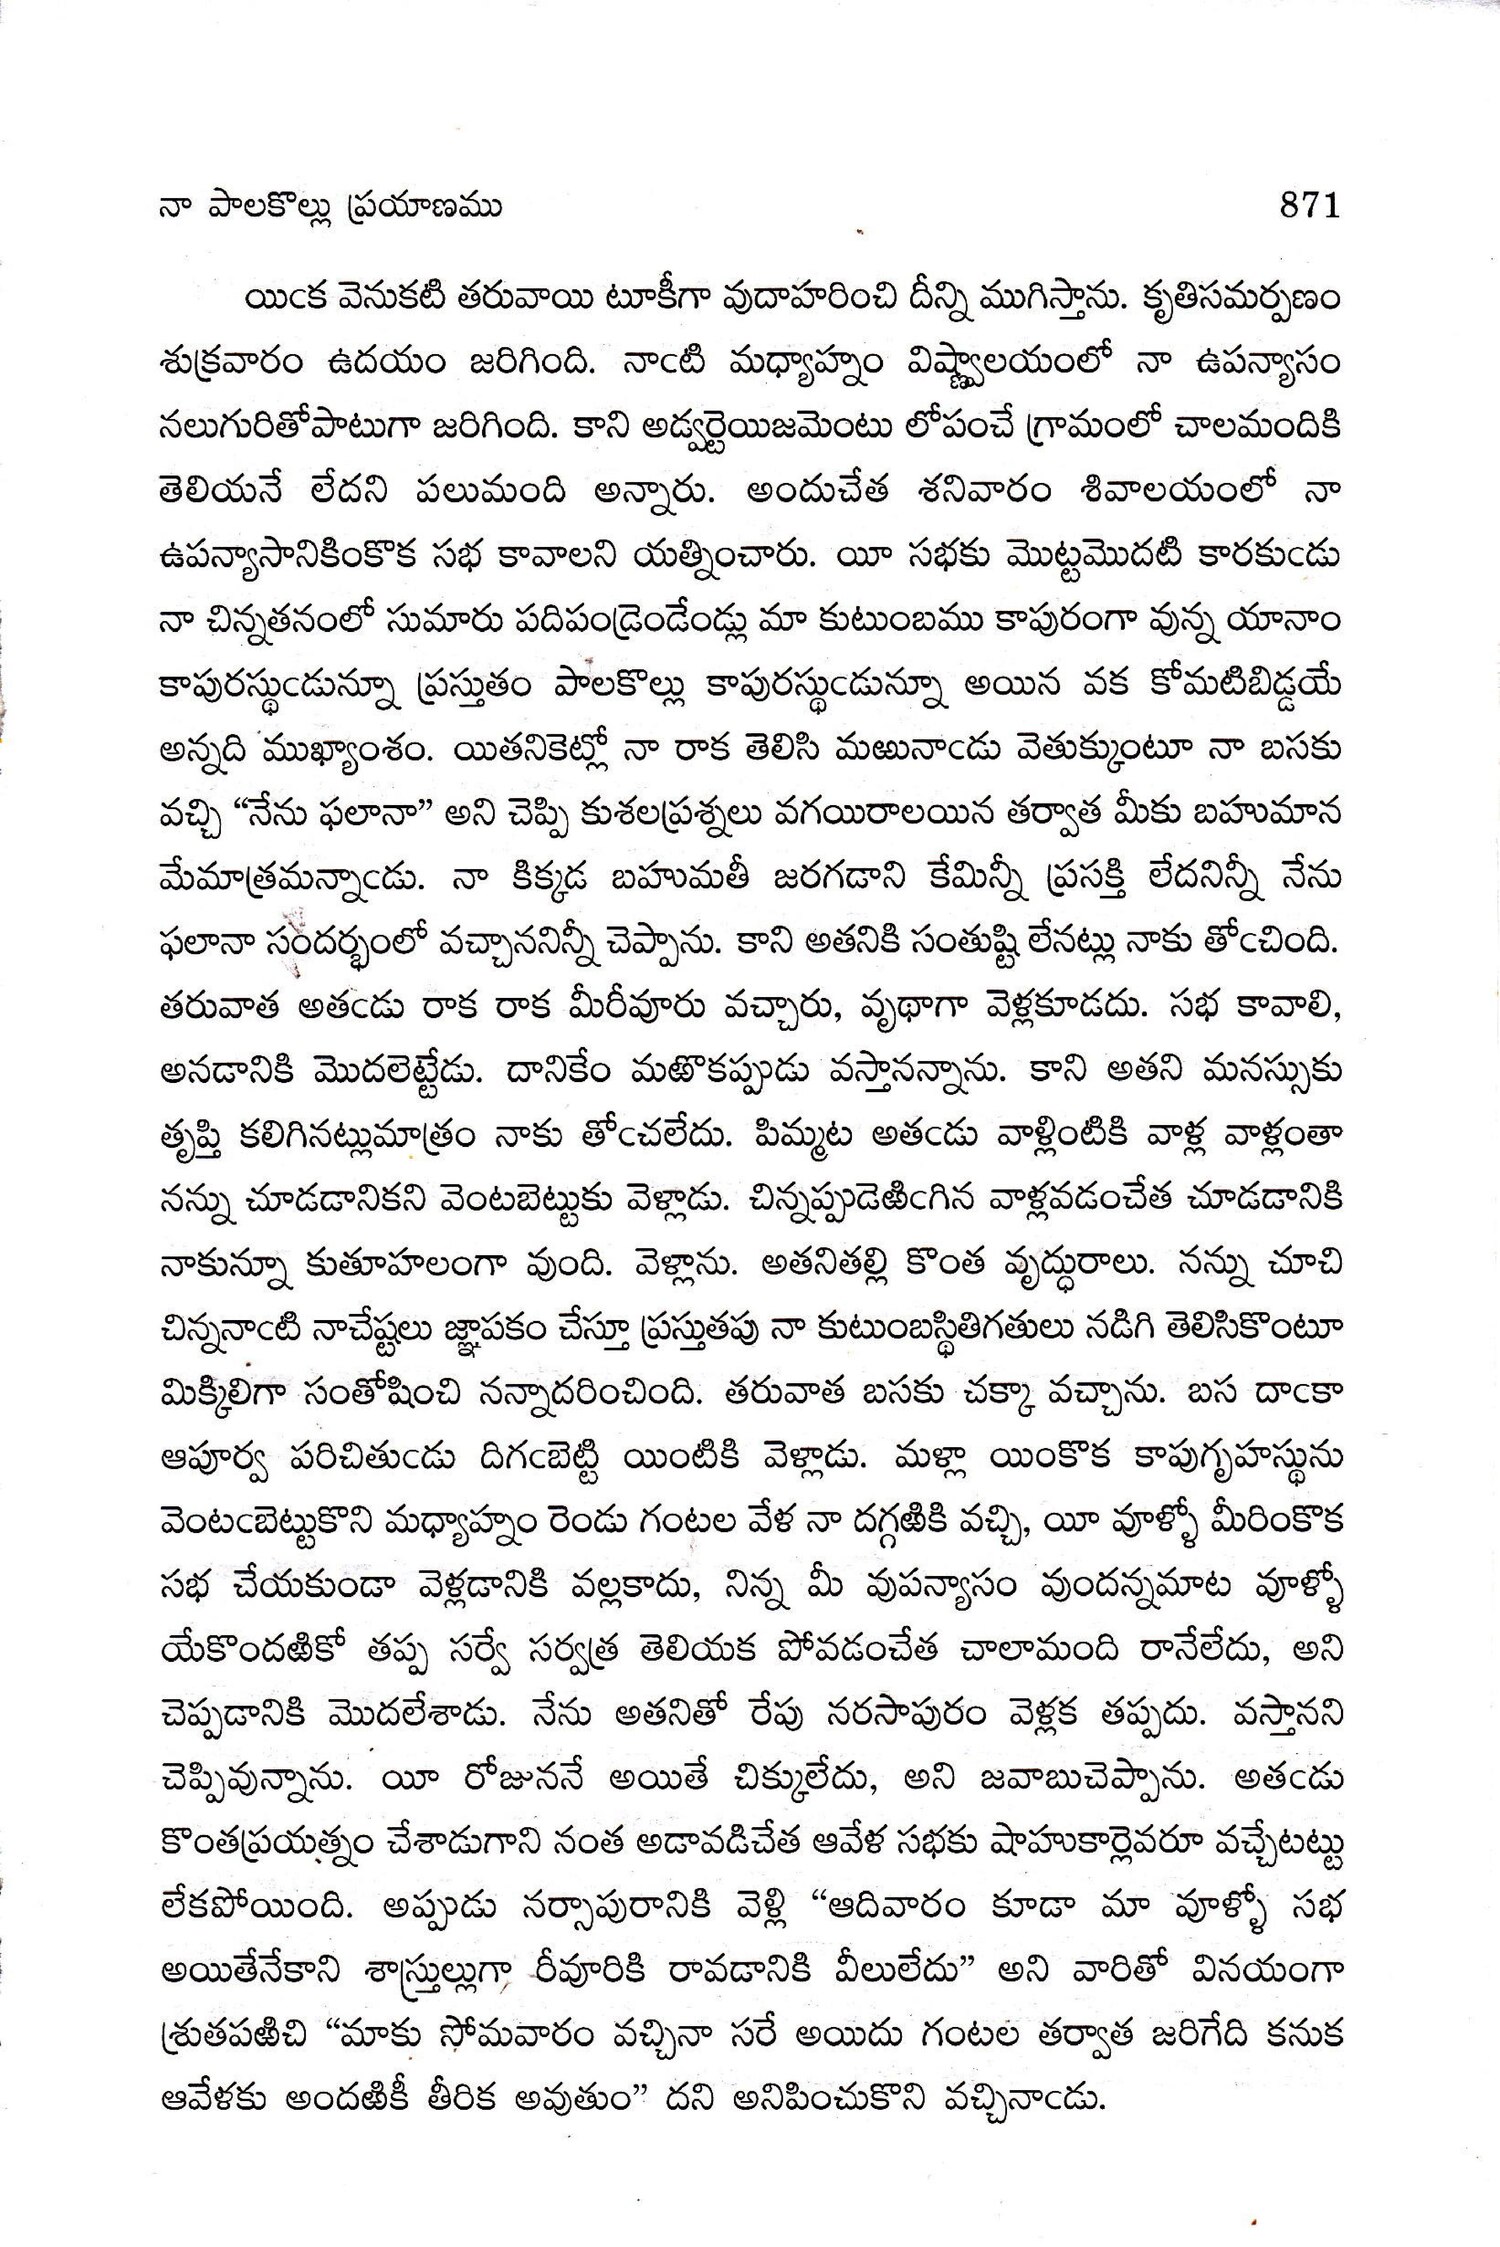యిఁక వెనుకటి తరువాయి టూకీగా వుదాహరించి దీన్ని ముగిస్తాను. కృతిసమర్పణం శుక్రవారం ఉదయం జరిగింది. నాఁటి మధ్యాహ్నం విష్ణ్వాలయంలో నా ఉపన్యాసం నలుగురితోపాటుగా జరిగింది. కాని అడ్వర్టెయిజమెంటు లోపంచే గ్రామంలో చాలమందికి తెలియనే లేదని పలుమంది అన్నారు. అందుచేత శనివారం శివాలయంలో నా ఉపన్యాసానికింకొక సభ కావాలని యత్నించారు. యీ సభకు మొట్టమొదటి కారకుఁడు నా చిన్నతనంలో సుమారు పదిపండ్రెండేండ్లు మా కుటుంబము కాపురంగా వున్న యానాం కాపురస్థుఁడున్నూ ప్రస్తుతం పాలకొల్లు కాపురస్థుఁడున్నూ అయిన వక కోమటిబిడ్డయే అన్నది ముఖ్యాంశం. యితనికెట్లో నా రాక తెలిసి మఱునాఁడు వెతుక్కుంటూ నా బసకు వచ్చి ‘నేను ఫలానా" అని చెప్పి కుశలప్రశ్నలు వగయిరాలయిన తర్వాత మీకు బహుమాన మేమాత్రమన్నాఁడు. నా కిక్కడ బహుమతీ జరగడాని కేమిన్నీ ప్రసక్తి లేదనిన్నీ నేను ఫలానా సందర్భంలో వచ్చాననిన్నీ చెప్పాను. కాని అతనికి సంతుష్టి లేనట్లు నాకు తోఁచింది. తరువాత అతఁడు రాక రాక మీరీవూరు వచ్చారు, వృథాగా వెళ్లకూడదు. సభ కావాలి, అనడానికి మొదలెట్టేడు. దానికేం మఱొకప్పుడు వస్తానన్నాను. కాని అతని మనస్సుకు తృప్తి కలిగినట్లుమాత్రం నాకు తోఁచలేదు. పిమ్మట అతఁడు వాళ్లింటికి వాళ్ల వాళ్లంతా నన్ను చూడడానికని వెంటబెట్టుకు వెళ్లాడు. చిన్నప్పుడెఱిఁగిన వాళ్లవడంచేత చూడడానికి నాకున్నూ కుతూహలంగా వుంది. వెళ్లాను. అతనితల్లి కొంత వృద్ధురాలు. నన్ను చూచి చిన్ననాఁటి నాచేష్టలు జ్ఞాపకం చేస్తూ ప్రస్తుతపు నా కుటుంబస్థితిగతులు నడిగి తెలిసికొంటూ మిక్కిలిగా సంతోషించి నన్నాదరించింది. తరువాత బసకు చక్కా వచ్చాను. బస దాఁకా ఆపూర్వ పరిచితుఁడు దిగఁబెట్టి యింటికి వెళ్లాడు. మళ్లా యింకొక కాపుగృహస్థును వెంటఁబెట్టుకొని మధ్యాహ్నం రెండు గంటల వేళ నా దగ్గఱికి వచ్చి, యీ వూళ్ళో మీరింకొక సభ చేయకుండా వెళ్లడానికి వల్లకాదు, నిన్న మీ వుపన్యాసం వుందన్నమాట వూళ్ళో యేకొందఱికో తప్ప సర్వే సర్వత్ర తెలియక పోవడంచేత చాలామంది రానేలేదు, అని చెప్పడానికి మొదలేశాడు. నేను అతనితో రేపు నరసాపురం వెళ్లక తప్పదు. వస్తానని చెప్పివున్నాను. యీ రోజుననే అయితే చిక్కులేదు, అని జవాబుచెప్పాను. అతఁడు కొంతప్రయత్నం చేశాడుగాని నంత అడావడిచేత ఆవేళ సభకు షాహుకార్లెవరూ వచ్చేటట్టు లేకపోయింది. అప్పుడు నర్సాపురానికి వెళ్లి “ఆదివారం కూడా మా వూళ్ళో సభ అయితేనేకాని శాస్త్రులుగా రీవూరికి రావడానికి వీలులేదు" అని వారితో వినయంగా శ్రుతపఱిచి "మాకు సోమవారం వచ్చినా సరే అయిదు గంటల తర్వాత జరిగేది కనుక ఆవేళకు అందఱికీ తీరిక అవుతుం" దని అనిపించుకొని వచ్చినాఁడు.